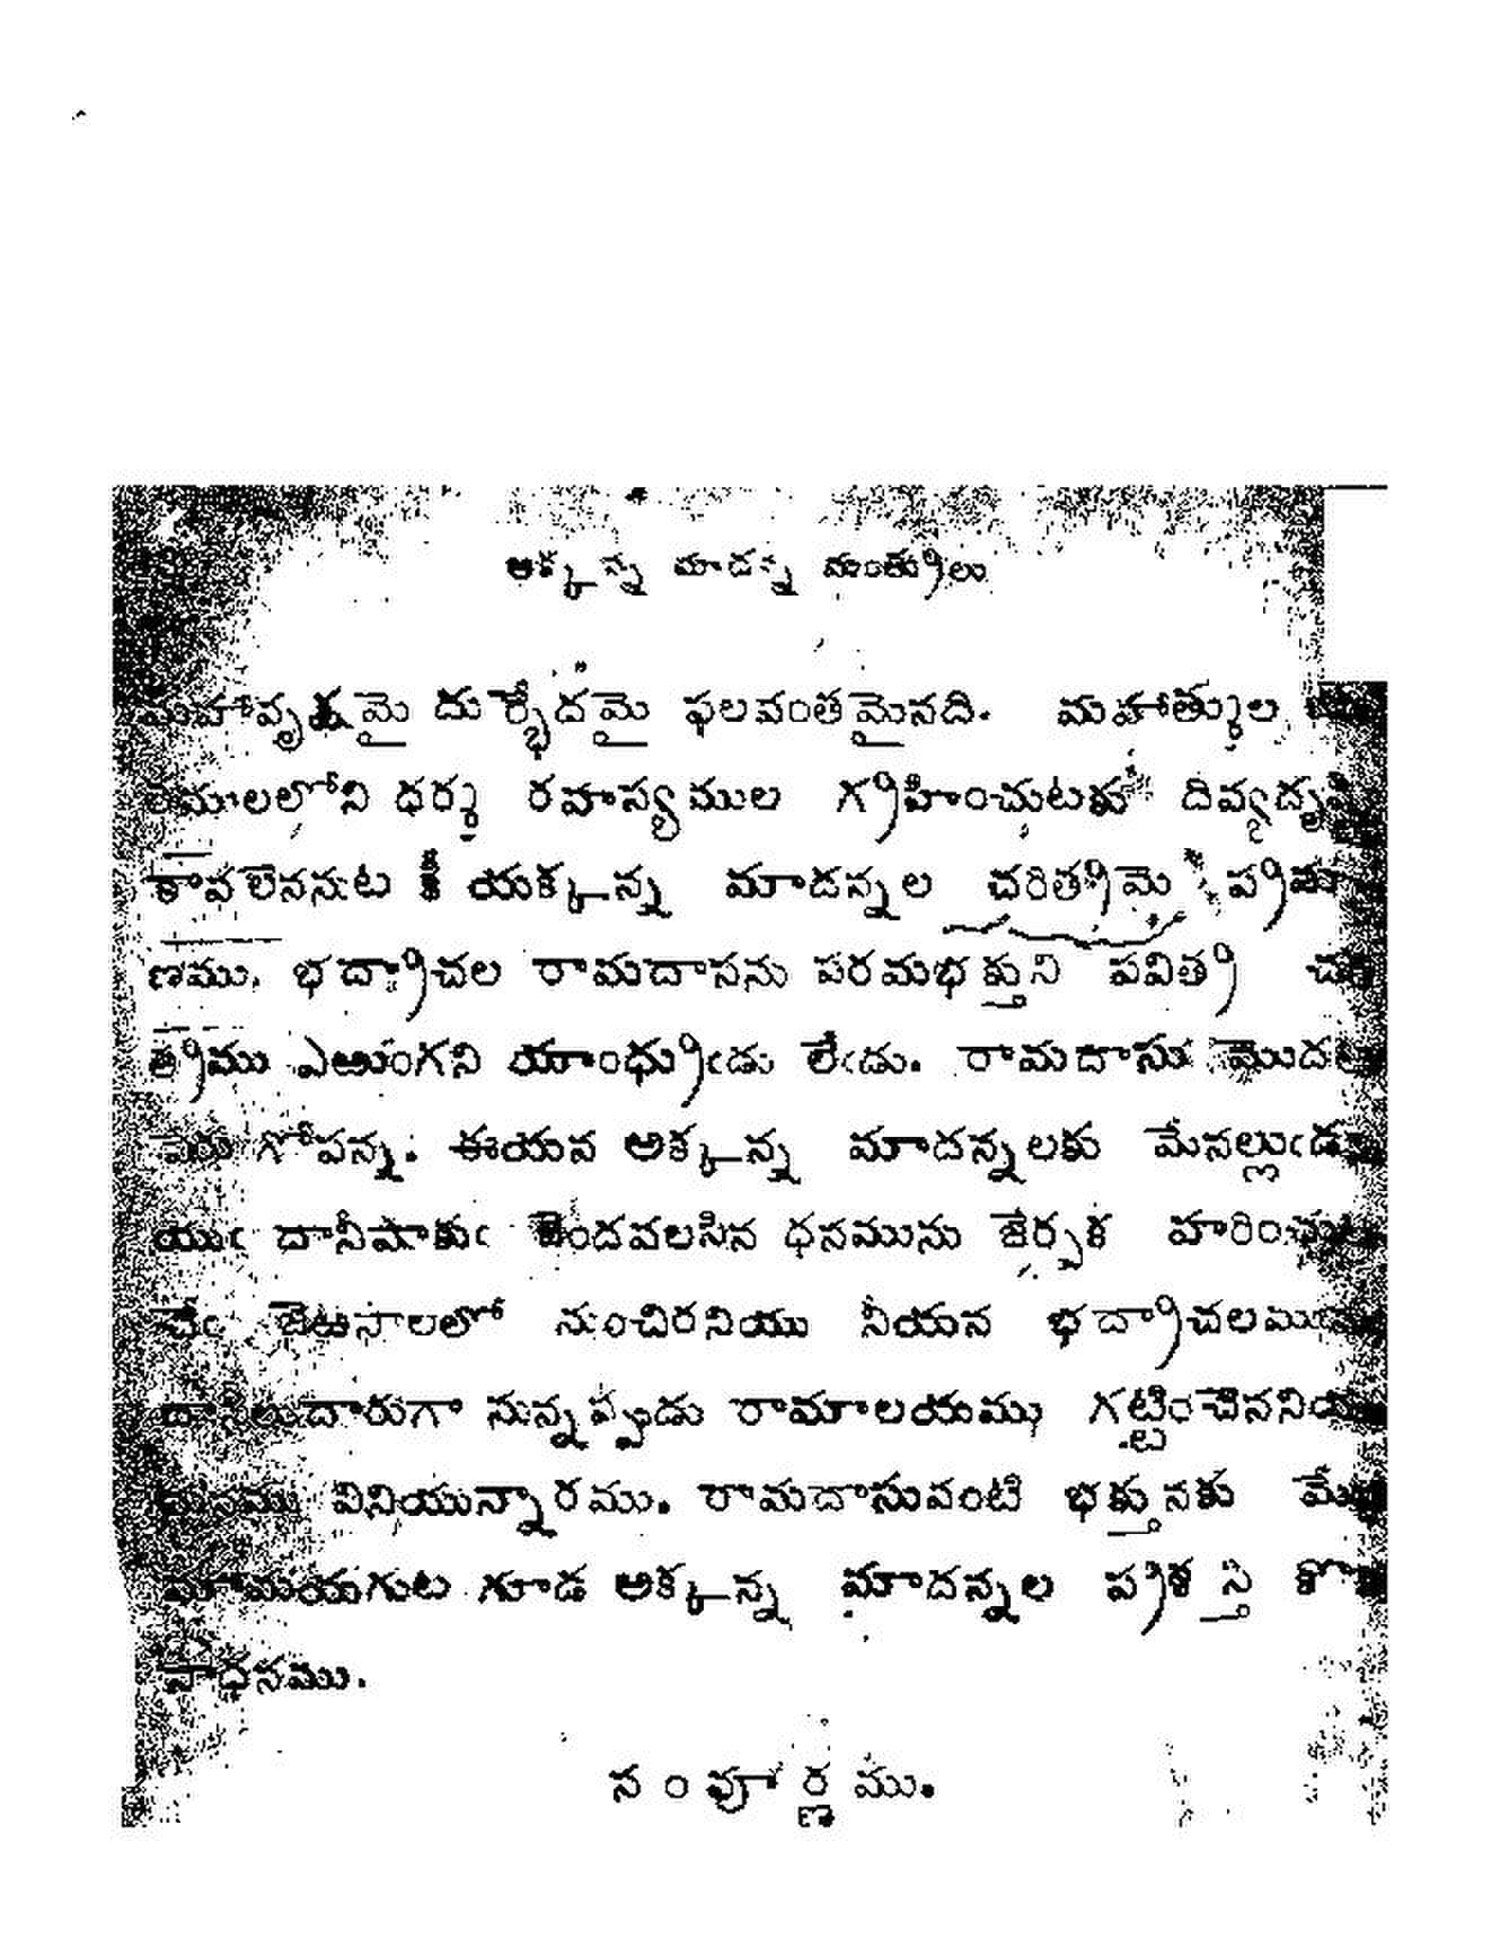మహావృక్షమై దుర్భేదమై ఫలవంతమైనది. మహాత్ముల జీవితముల లోని ధర్మ రహస్యముల గ్రహించుటకు దివ్యదృష్టి కావలెననుట కీ యక్కన్న మాదన్నల చరిత్రమె ప్రమాణము. భద్రాచల రామదాసను పరమభక్తుని పవిత్ర చరిత్రము ఎఱుంగని యాంధ్రుడు లేడు. రామదాసు మొదటిపేరు గోపన్న. ఈయన అక్కన్న మాదన్నలకు మేనల్లుడనియు దానీషాకు జెందవలసిన ధనమును జేర్పక హరించుటచే జెఱసాలలో నుంచిరనియు నీయన భద్రాచలమున దాశీలుదారుగా నున్నప్పుడు రామాలయము గట్టించెననియు మనము వినియున్నారము. రామదాసు వంటి భక్తునకు మేన మామయగుట గూడ అక్కన్న మాదన్నల ప్రశస్తి కొక సాదనము.

సంపూర్ణము.